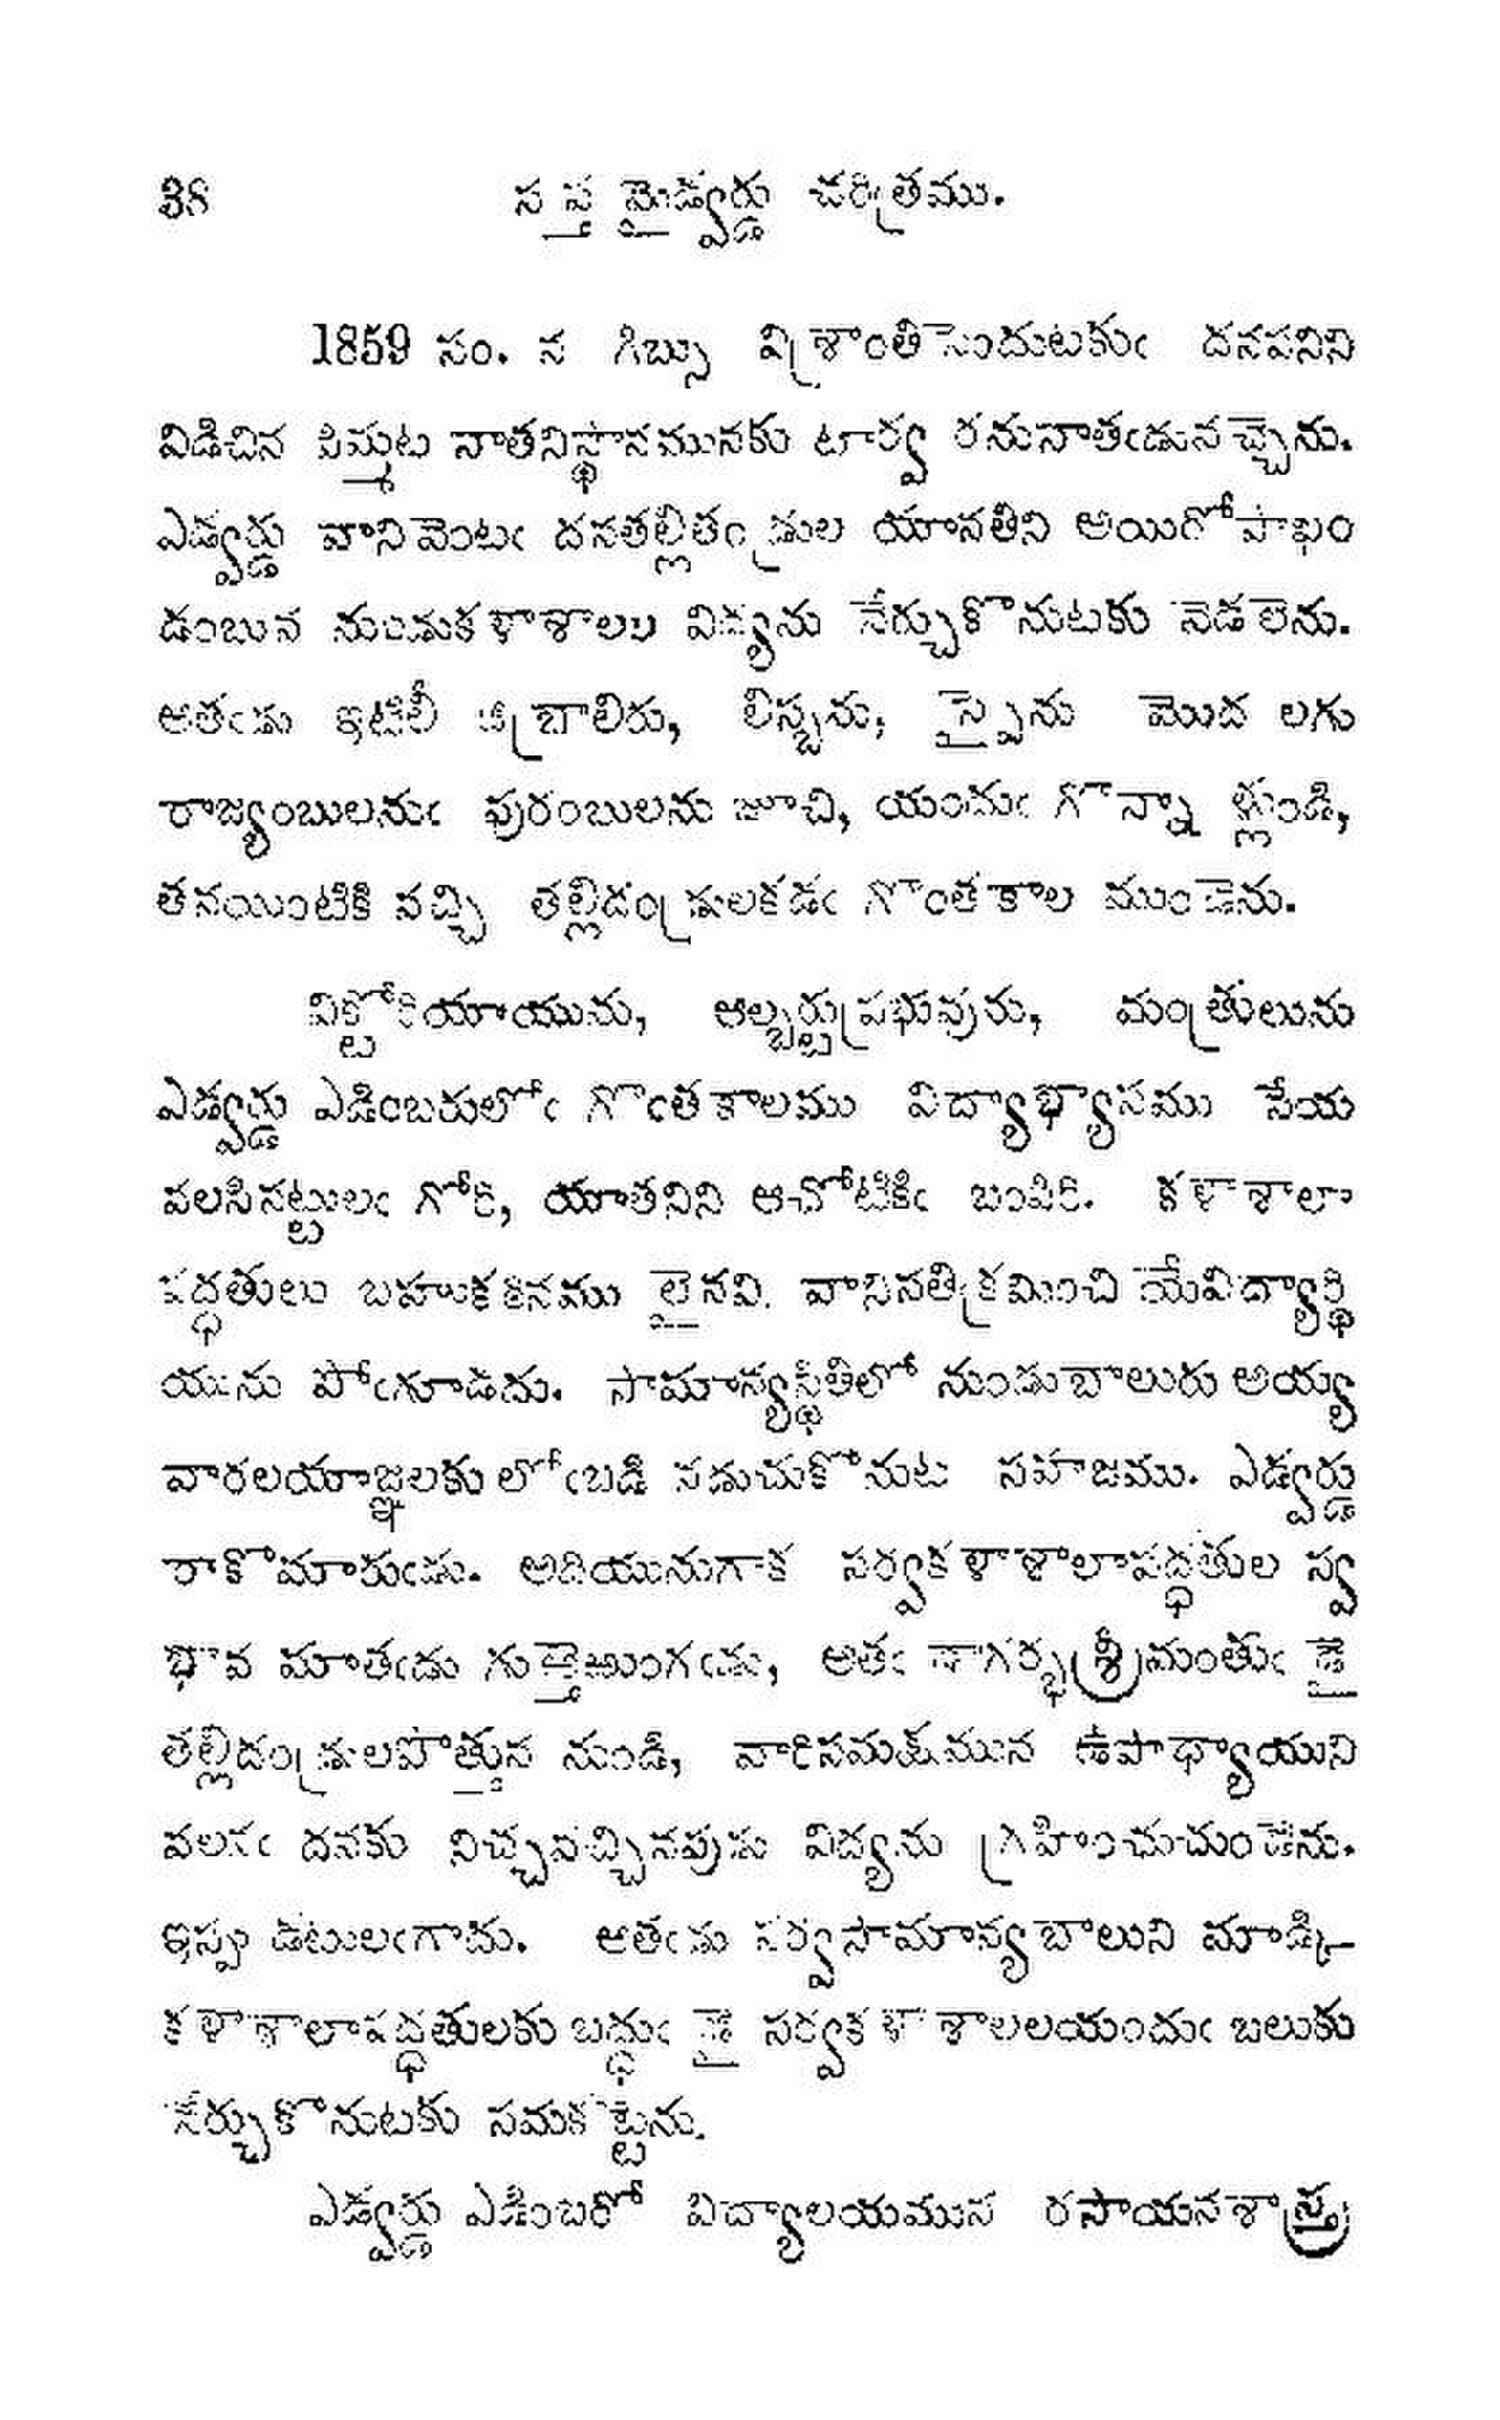1859 సం. న గీబ్బు విశ్రాంతి సెందుటకుఁ దనపనిని విడిచిన పిమ్మట నాతనిస్థానమునకు టార్వ రనునాతఁడువచ్చెను. ఎడ్వర్డు వాని వెంటఁ దనతల్లితండ్రుల యానతిని ఆయిగోపాలం
డంబున నుండుకళాశాలు విద్యను నేర్చుకొనుటకు నెడ లెను. ఆతఁడుఇటలీ జీబ్రాలిరు, లిస్బను, స్పైను మొద లగు రాజ్యంబులను; పురంబులను జూచి, యందుఁ గొ"న్నాళ్లుండి,
తనయింటికి వచ్చి తల్లిదం(క్షులకడం గొంత కాల ముండెను. విక్టోరియాయును, ఆల్బర్టు ప్రభువును, మంత్రులును ఎడ్వర్డు ఎడింబరులో కొంత కాలము విద్యాభ్యాసము సేయ వలసి సట్టులఁ గోరి, యూతనిని ఆచోటికీఁ బంపిరి. కళాశాల పద్ధతులు బహుకఠినము లైనవి. వాని సతిక్రమించి యే
విద్యార్థి యును పోఁగూడదు. సామాన్య స్థితిలో నుండు బాలురు అయ్యవారలయాజ్ఞలకు లోబడి నడుచుకొనుట సహజము. ఎడ్వర్డు రాకోమారు డు. అదియునుగాక సర్వకళా శాలాపద్ధతుల స్వ
భావ మాతఁడు గుర్తెరంగఁడు, అతనాగర్భ శ్రీమంతుడై తల్లిదండ్రుల పొత్తున నుండీ, వారి సమక్షమున ఉపాధ్యాయుని వలనఁ దనకు నిచ్చపచ్చినపుడు విద్యను గ్రహించుచుండెను,
ఇప్పు డటులఁగాదు.

ఆత్మను సర్వసామాన్య బాలుని మాడ్కి కళాశాలా పద్ధతులకు బలుకు - సర్వకళా శాలలయందుఁ బలుకునోర్చుకొనుటకు సమకట్టెను.

ఎడ్వర్లు ఎడింబరో విద్యాలయమున రసాయన శాస్త్ర